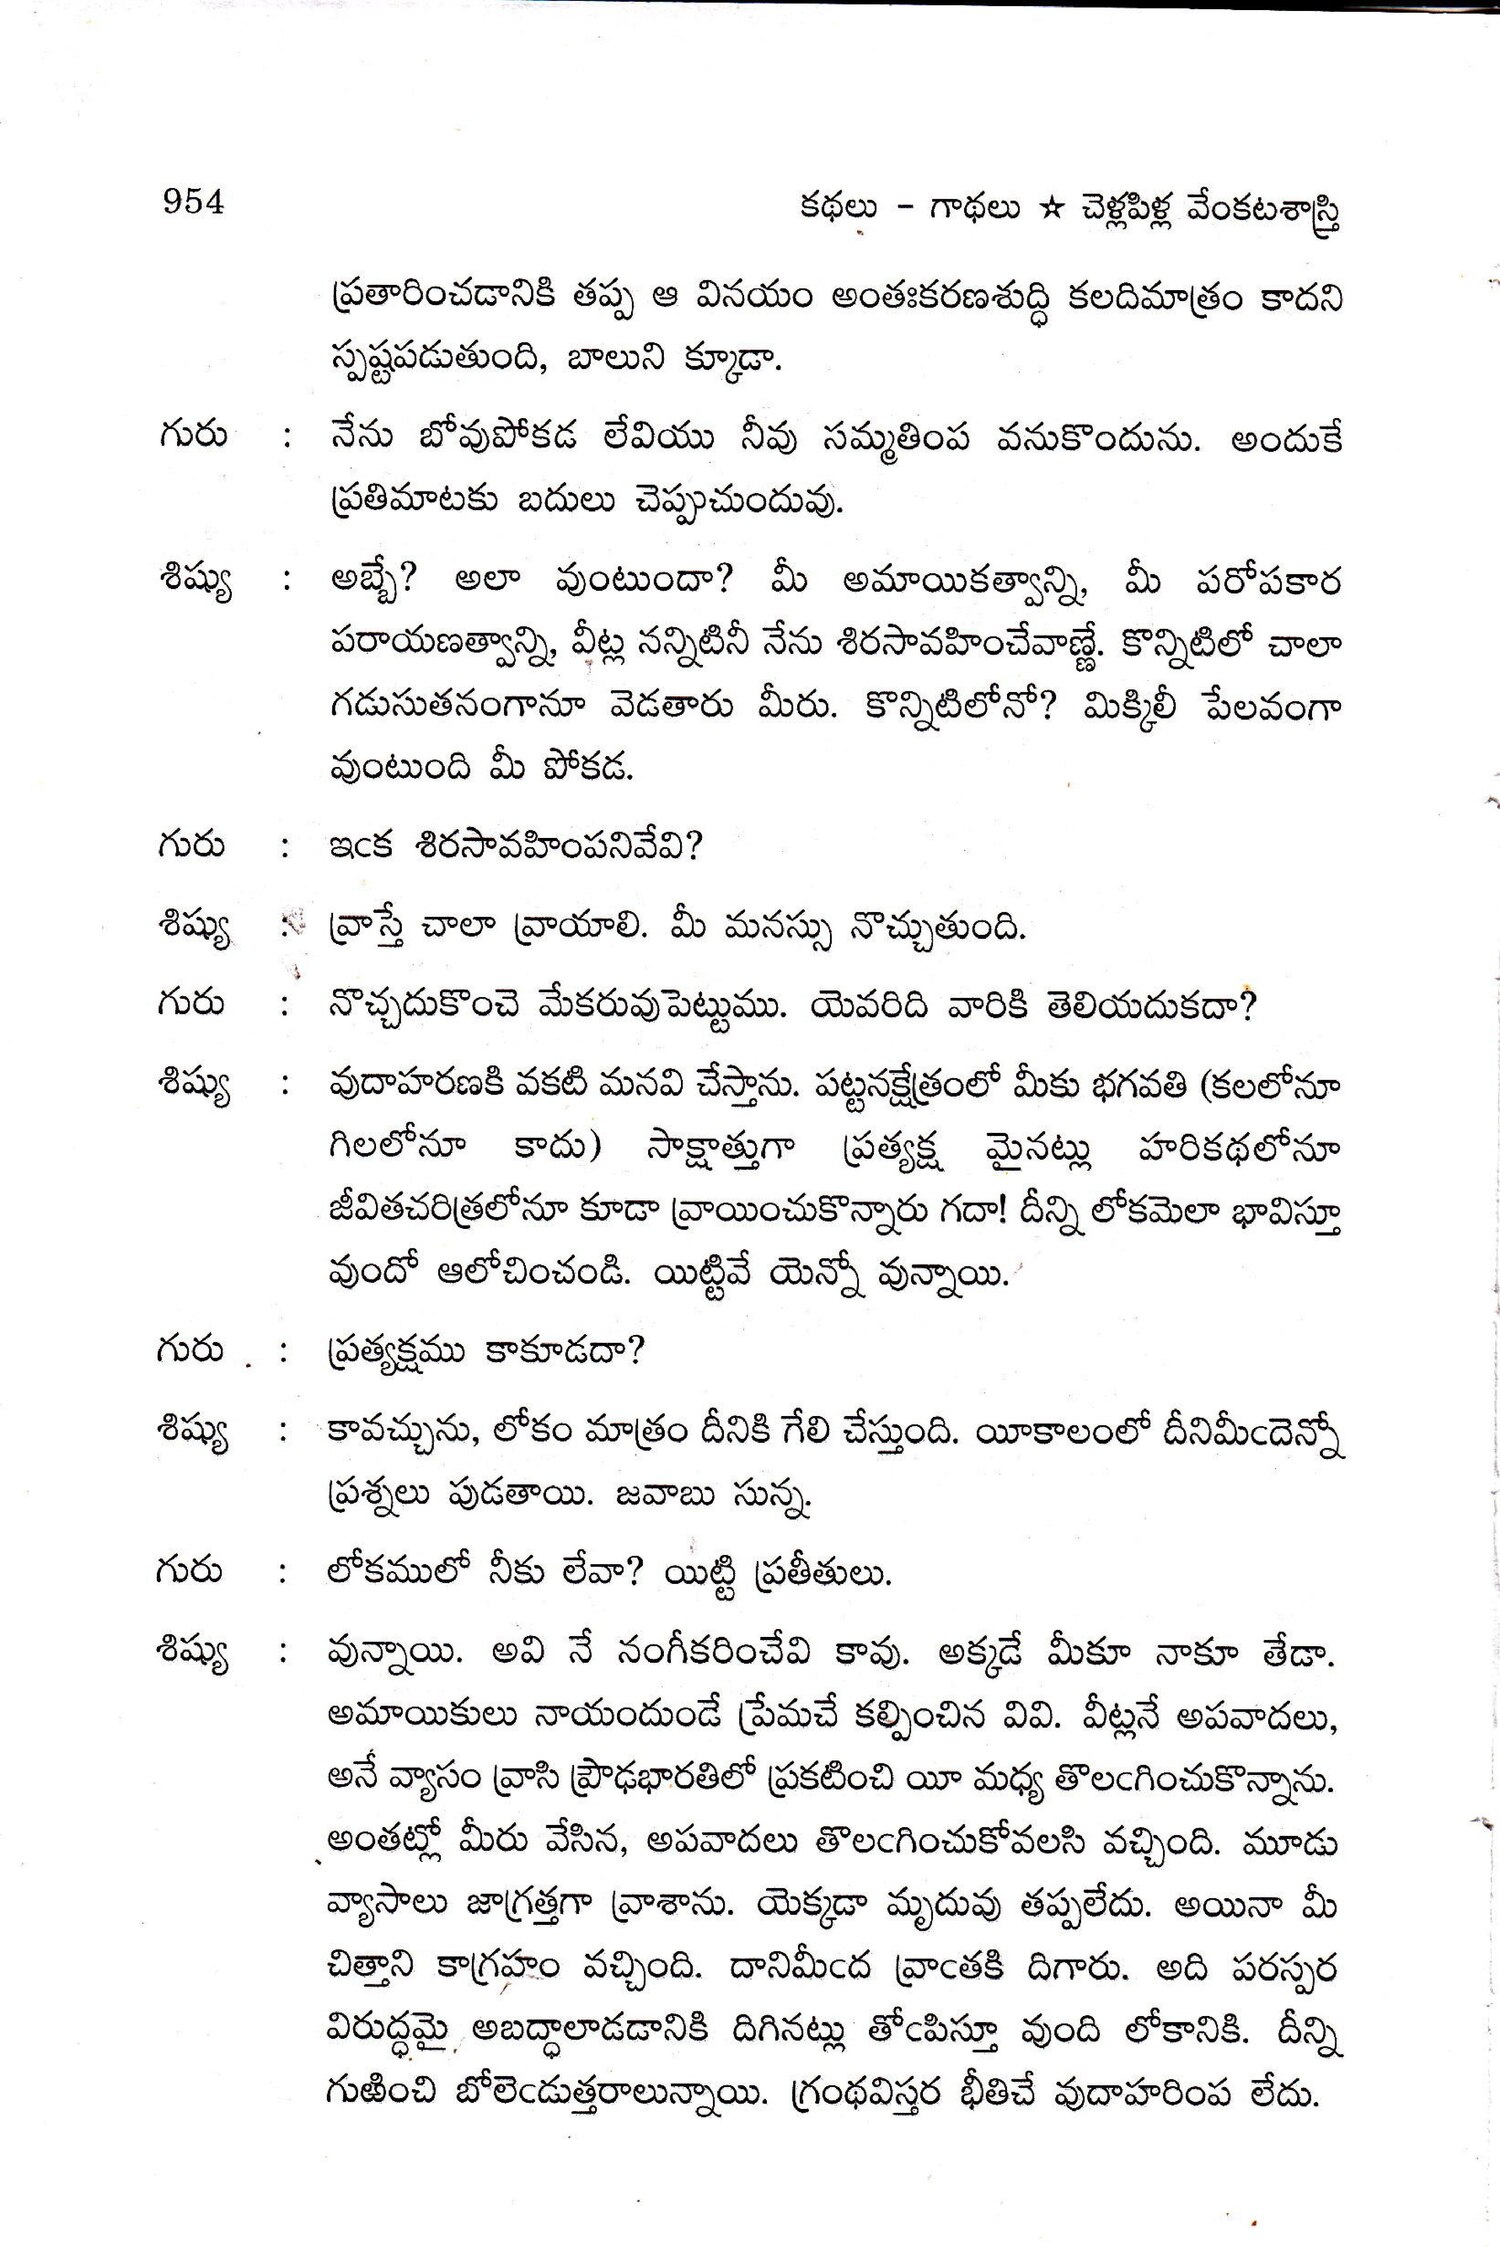ప్రతారించడానికి తప్ప ఆ వినయం అంతఃకరణశుద్ధి కలదిమాత్రం కాదని స్పష్టపడుతుంది, బాలుని క్కూడా.

గురు : నేను బోవుపోకడ లేవియు నీవు సమ్మతింప వనుకొందును. అందుకే ప్రతిమాటకు బదులు చెప్పచుందువు.

శిష్యు : అబ్బే? అలా వుంటుందా? మీ అమాయికత్వాన్ని మీ పరోపకార పరాయణత్వాన్ని వీట్ల నన్నిటినీ నేను శిరసావహించేవాణ్ణే. కొన్నిటిలో చాలా గడుసుతనంగానూ వెడతారు మీరు. కొన్నిటిలోనో? మిక్కిలీ పేలవంగా వుంటుంది మీ పోకడ. 

గురు : ఇఁక శిరసావహింపనివేవి?

శిష్యు : వ్రాస్తే చాలా వ్రాయాలి. మీ మనస్సు నొచ్చుతుంది. 

గురు : నొచ్చదుకొంచె మేకరువుపెట్టుము. యెవరిది వారికి తెలియదుకదా?

శిష్యు : వుదాహరణకి వకటి మనవి చేస్తాను. పట్టనక్షేత్రంలో మీకు భగవతి (కలలోనూ గిలలోనూ కాదు) సాక్షాత్తుగా ప్రత్యక్ష మైనట్లు హరికథలోనూ జీవితచరిత్రలోనూ కూడా వ్రాయించుకొన్నారు గదా! దీన్ని లోకమెలా భావిస్తూ
వుందో ఆలోచించండి. యిట్టివే యెన్నో వున్నాయి.

గురు : ప్రత్యక్షము కాకూడదా? 

శిష్యు : కావచ్చును, లోకం మాత్రం దీనికి గేలి చేస్తుంది. యీకాలంలో దీనిమీఁదెన్నో ప్రశ్నలు పుడతాయి. జవాబు సున్న 

గురు : లోకములో నీకు లేవా? యిట్టి ప్రతీతులు. 

శిష్యు : వున్నాయి. అవి నే నంగీకరించేవి కావు. అక్కడే మీకూ నాకూ తేడా. అమాయికులు నాయందుండే ప్రేమచే కల్పించిన వివి. వీట్లనే అపవాదలు, అనే వ్యాసం వ్రాసి ప్రౌఢభారతిలో ప్రకటించి యీ మధ్య తొలఁగించుకొన్నాను.
అంతట్లో మీరు వేసిన, అపవాదలు తొలఁగించుకోవలసి వచ్చింది. మూడు వ్యాసాలు జాగ్రత్తగా వ్రాశాను. యెక్కడా మృదువు తప్పలేదు. అయినా మీ చిత్తాని కాగ్రహం వచ్చింది. దానిమీఁద వ్రాఁతకి దిగారు. అది పరస్పర విరుద్ధమై అబద్ధాలాడడానికి దిగినట్లు తోఁపిస్తూ వుంది లోకానికి. దీన్ని గుఱించి బోలెఁడుత్తరాలున్నాయి. గ్రంథవిస్తర భీతిచే వుదాహరింప లేదు.